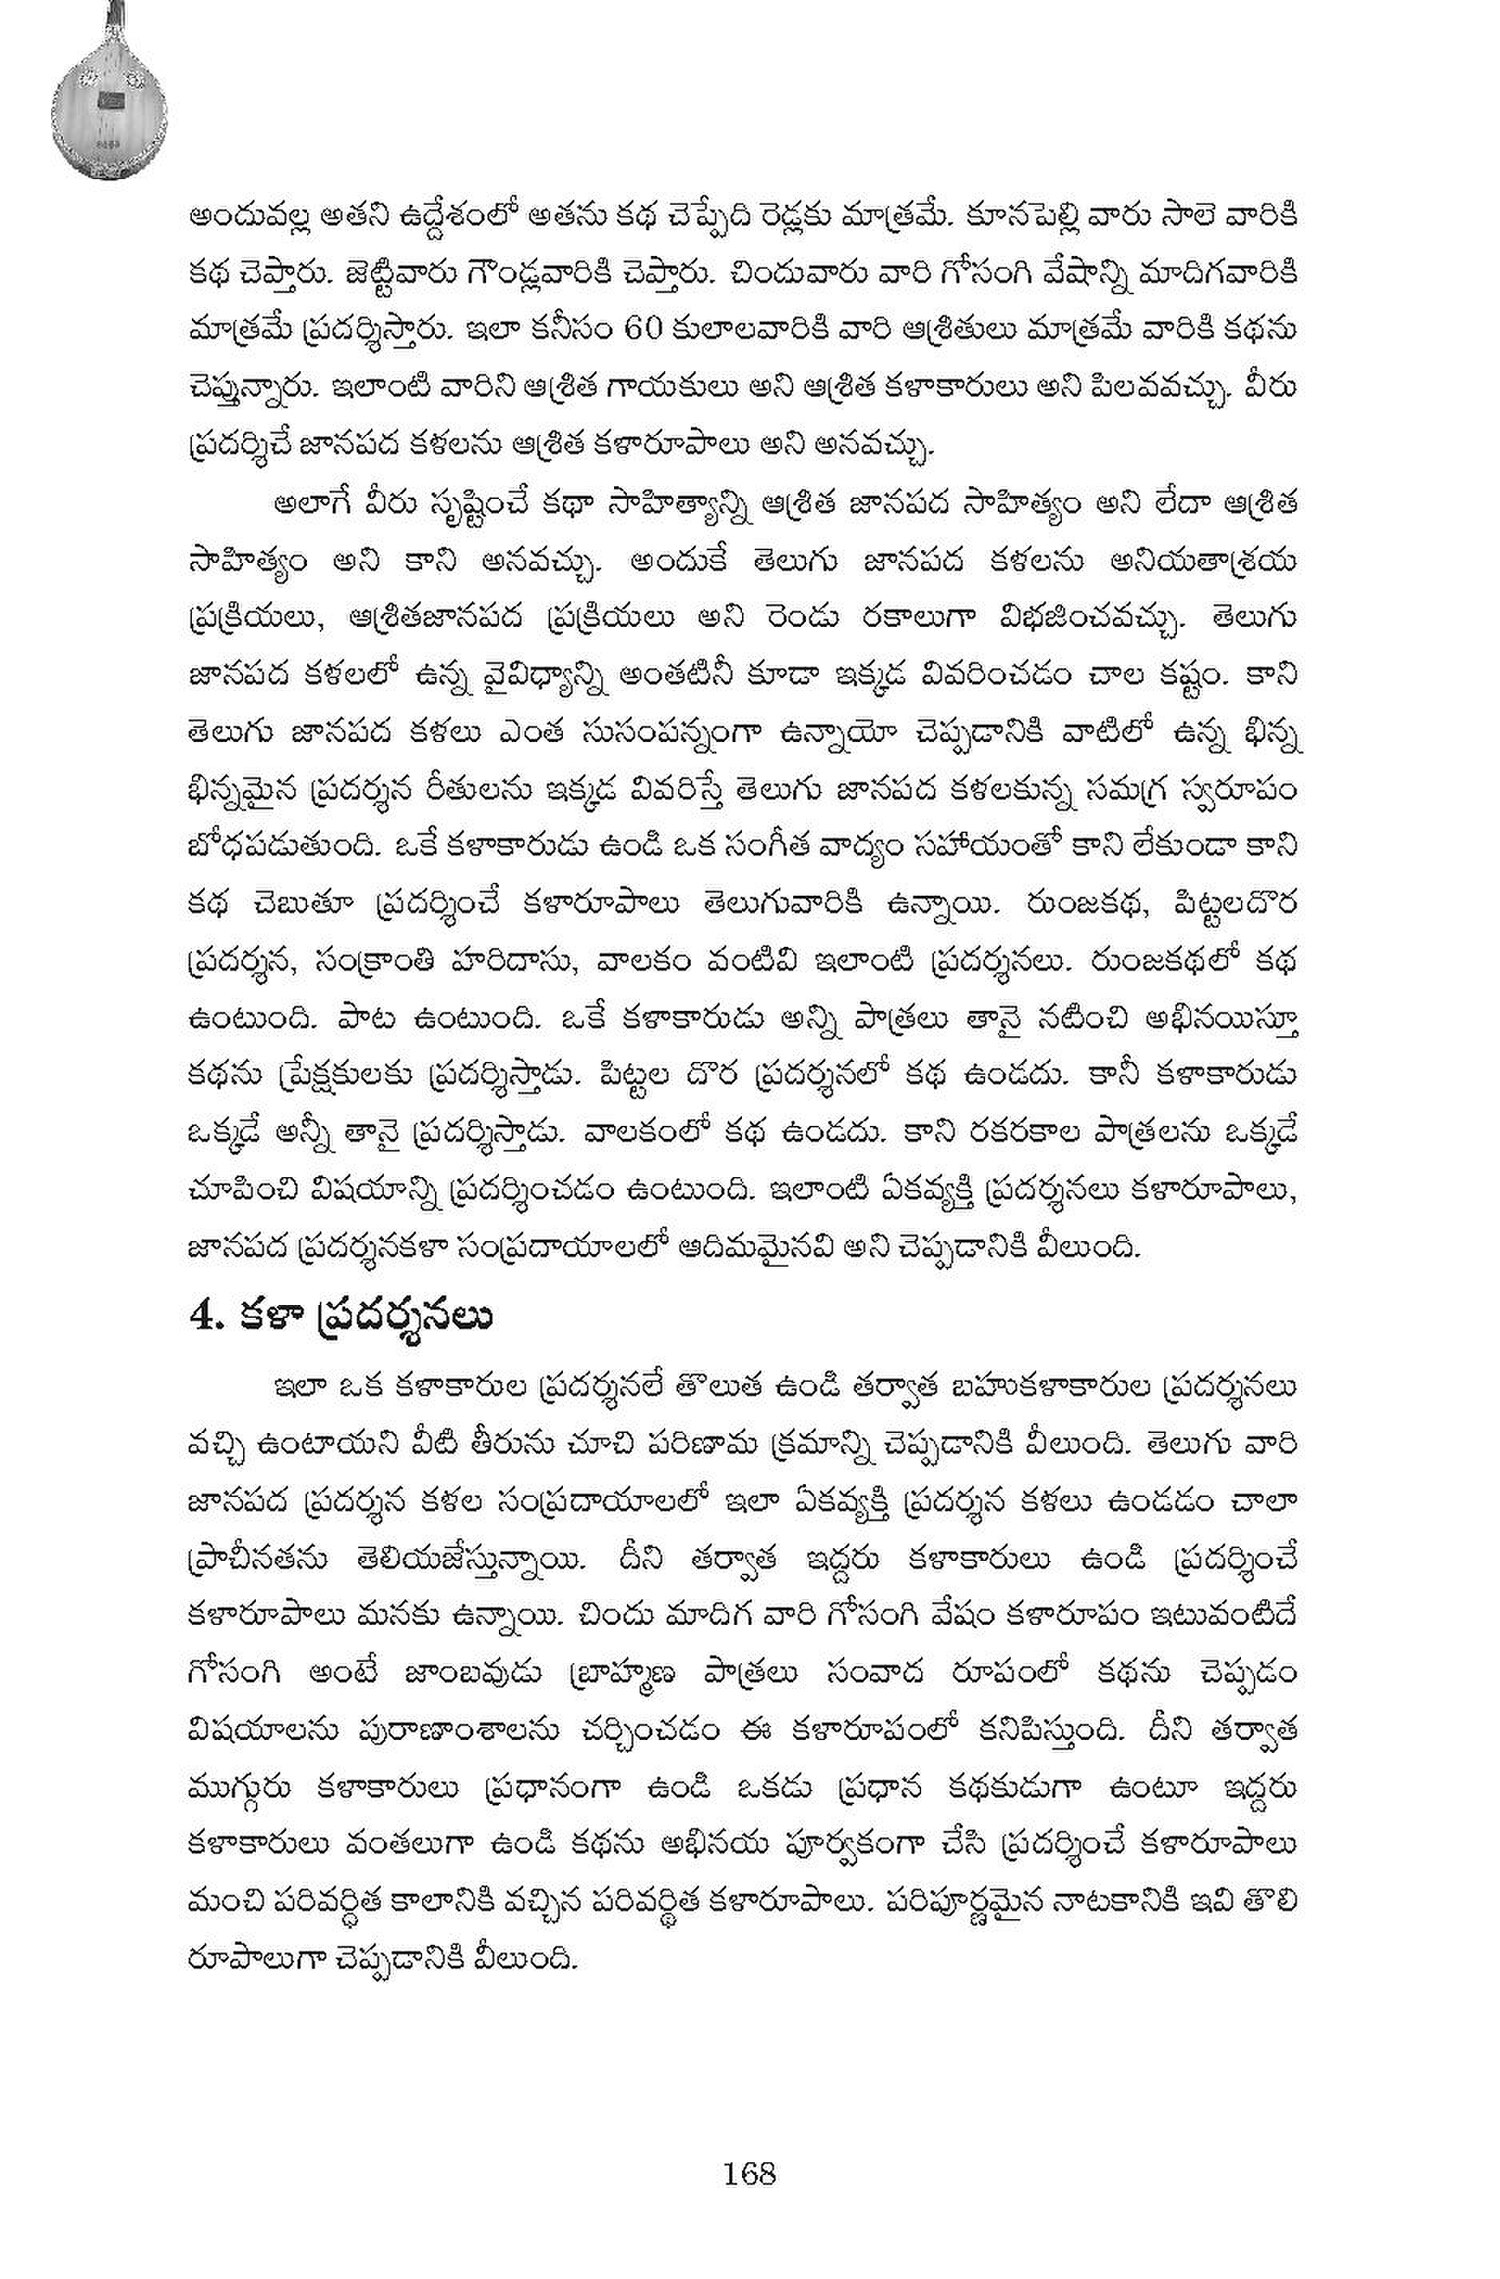అందువల్ల అతని ఉద్దేశంలో అతను కథ చెప్పేది రెడ్లకు మాత్రమే. కూనపెల్లి వారు సాలె వారికి కథ చెప్తారు. జెట్టివారు గౌండ్లవారికి చెప్తారు. చిందువారు వారి గోసంగి వేషాన్ని మాదిగవారికి మాత్రమే ప్రదర్శిస్తారు. ఇలా కనీసం 60 కులాలవారికి వారి ఆశ్రితులు మాత్రమే వారికి కథను చెప్తున్నారు. ఇలాంటి వారిని ఆశ్రిత గాయకులు అని ఆశ్రిత కళాకారులు అని పిలవవచ్చు. వీరు ప్రదర్శిచే జానపద కళలను ఆశ్రిత కళారూపాలు అని అనవచ్చు.

అలాగే వీరు సృష్టించే కథా సాహిత్యాన్ని ఆశ్రిత జానపద సాహిత్యం అని లేదా ఆశ్రిత సాహిత్యం అని కాని అనవచ్చు. అందుకే తెలుగు జానపద కళలను అనియతాశ్రయ ప్రక్రియలు, ఆశ్రితజానపద ప్రక్రియలు అని రెండు రకాలుగా విభజించవచ్చు. తెలుగు జానపద కళలలో ఉన్న వైవిధ్యాన్ని అంతటినీ కూడా ఇక్కడ వివరించడం చాల కష్టం. కాని
తెలుగు జానపద కళలు ఎంత సుసంపన్నంగా ఉన్నాయో చెప్పడానికి వాటిలో ఉన్న భిన్న భిన్నమైన ప్రదర్శన రీతులను ఇక్కడ వివరిస్తే తెలుగు జానపద కళలకున్న సమగ్ర స్వరూపం బోధపడుతుంది. ఒకే కళాకారుడు ఉండి ఒక సంగీత వాద్యం సహాయంతో కాని లేకుండా కాని కథ చెబుతూ ప్రదర్శించే కళారూపాలు తెలుగువారికి ఉన్నాయి. రుంజకథ, పిట్టలదొర
ప్రదర్శన, సంక్రాంతి హరిదాసు, వాలకం వంటివి ఇలాంటి ప్రదర్శనలు. రుంజకథలో కథ ఉంటుంది. పాట ఉంటుంది. ఒకే కళాకారుడు అన్ని పాత్రలు తానై నటించి అభినయిస్తూ కథను ప్రేక్షకులకు ప్రదర్శిస్తాడు. పిట్టల దొర ప్రదర్శనలో కథ ఉండదు. కానీ కళాకారుడు ఒక్కడే అన్నీ తానై ప్రదర్శిస్తాడు. వాలకంలో కథ ఉండదు. కాని రకరకాల పాత్రలను ఒక్కడే
చూపించి విషయాన్ని ప్రదర్శించడం ఉంటుంది. ఇలాంటి ఏకవ్యక్తి ప్రదర్శనలు కళారూపాలు, జానపద ప్రదర్శనకళా సంప్రదాయాలలో ఆదిమమైనవి అని చెప్పడానికి వీలుంది.

4. కళా ప్రదర్శనలు 

ఇలా ఒక కళాకారుల ప్రదర్శనలే తొలుత ఉండి తర్వాత బహుకళాకారుల ప్రదర్శనలు వచ్చి ఉంటాయని వీటి తీరును చూచి పరిణామ క్రమాన్ని చెప్పడానికి వీలుంది. తెలుగు వారి జానపద ప్రదర్శన కళల సంప్రదాయాలలో ఇలా ఏకవ్యక్తి ప్రదర్శన కళలు ఉండడం చాలా ప్రాచీనతను తెలియజేస్తున్నాయి. దీని తర్వాత ఇద్దరు కళాకారులు ఉండి ప్రదర్శించే
కళారూపాలు మనకు ఉన్నాయి. చిందు మాదిగ వారి గోసంగి వేషం కళారూపం ఇటువంటిదే గోసంగి అంటే జాంబవుడు బ్రాహ్మణ పాత్రలు సంవాద రూపంలో కథను చెప్పడం విషయాలను పురాణాంశాలను చర్చించడం ఈ కళారూపంలో కనిపిస్తుంది. దీని తర్వాత ముగ్గురు కళాకారులు ప్రధానంగా ఉండి ఒకడు ప్రధాన కథకుడుగా ఉంటూ ఇద్దరు కళాకారులు వంతలుగా ఉండి కథను అభినయ పూర్వకంగా చేసి ప్రదర్శించే కళారూపాలు మంచి పరివర్థిత కాలానికి వచ్చిన పరివర్థిత కళారూపాలు. పరిపూర్ణమైన నాటకానికి ఇవి తొలి రూపాలుగా చెప్పడానికి వీలుంది.